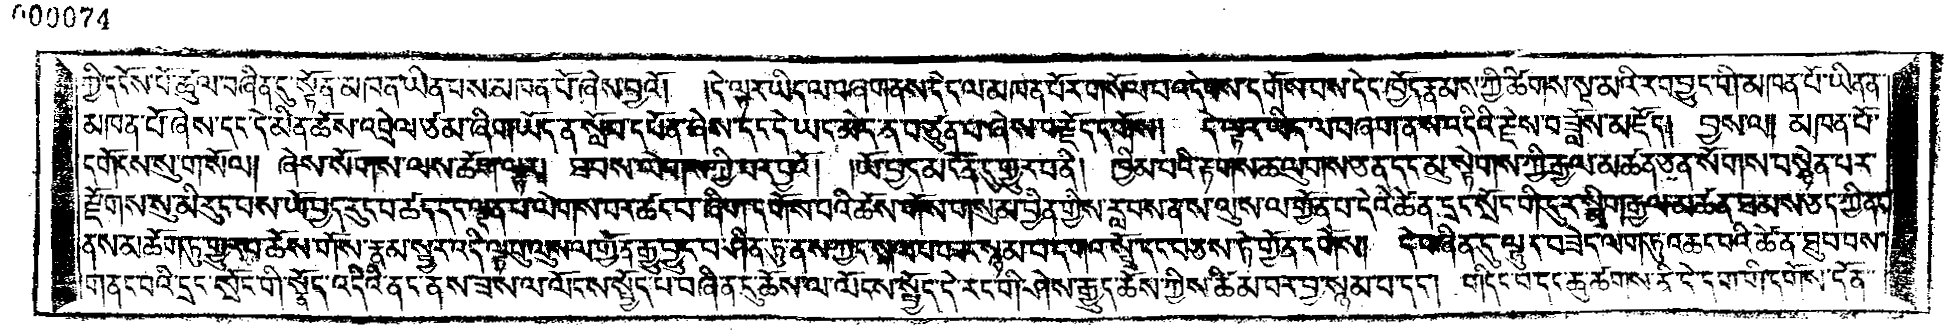ཀྱི་དངོས་པོ་ཚུལ་བཞིན་དུ་སྟོན་མཁན་ཡིན་པས་མཁན་པོ་ཞེས་བྱའོ། །དེ་ལྟར་ཡིད་ལ་བཞག་ནས་དེང་ལ་མཁན་པོར་གསོལ་བ་འདེབས་དགོས་པས་དེང་ཁྱོད་རྣམས་ཀྱི་ཚིགས་སྔ་མའི་རབ་བྱུང་གི་མཁན་པོ་ཡིན་ན་
མཁན་པོ་ཞེས་དང་དེ་མིན་ཆོས་འབྲེལ་ཙམ་ཞིག་ཡོད་ན་སློབ་དཔོན་ཞེས་དང་དེ་ཡང་མེད་ན་བཙུན་པ་ཞེས་བརྗོད་དགོས། དེ་ལྟར་ཡིད་ལ་བཞག་ནས་འདིའི་རྗེས་བཟློས་མཛོད། བྱས་ལ། མཁན་པོ་
དགོངས་སུ་གསོལ། ཞེས་སོགས་ལས་ཆོག་ལྟར། ཐབས་ལེགས་ཀྱི་བར་བྱའོ། །ཡོ་བྱད་མངོན་དུ་གྱུར་པ་ནི། ཁྱིམ་པའི་རྟགས་ཆ་ལུགས་ཅན་དང་མུ་སྟེགས་ཀྱི་རྒྱལ་མཚན་ཅན་སོགས་བསྙེན་པར་
རྫོགས་སུ་མི་རུང་བས་ཡོ་བྱད་རུང་བ་ཚད་དང་ལྡན་པ་ལེགས་པར་ཚང་བ་ཞིག་དགོས་པའི་ཆོས་གོས་གསུམ་བྱིན་གྱིས་རླབས་ནས་ལུས་ལ་གྱོན་པ་དེའི་ཚེ་ན་དྲང་སྲོང་གི་ངུར་སྨྲིག་རྒྱལ་མཚན་ཐམས་ཅད་ཀྱི་ནང་
ནས་མཆོག་ཏུ་གྱུར་བ་ཆོས་གོས་རྣམ་སྦྱར་འདི་ལྟ་བུ་ལུས་ལ་གྱོན་རྒྱུ་བྱུང་བ་ཤིན་ཏུ་ནས་ཀྱང་སྐལ་པ་བཟང་སྙམ་པ་དགའ་སྤྲོ་དང་བཅས་ཏེ་གྱོན་དགོས། དེ་བཞིན་དུ་ལྷུང་བཟེད་ལག་ཏུ་འཆང་བའི་ཚེ་ན་ཐུབ་བས་
གནང་བའི་དྲང་སྲོང་གི་སྣོད་འདིའི་ནང་ནས་ཟས་ལ་ལོངས་སྤྱོད་པ་བཞིན་དུ་ཆོས་ལ་ལོངས་སྤྱོད་དེ་རང་གི་ཤེས་རྒྱུད་ཆོས་ཀྱིས་ཚིམ་པར་བྱ་སྙམ་པ་དང་། གདིང་བ་དང་ཆུ་ཚགས་ནི་དེ་དག་གི་དགོས་དོན་